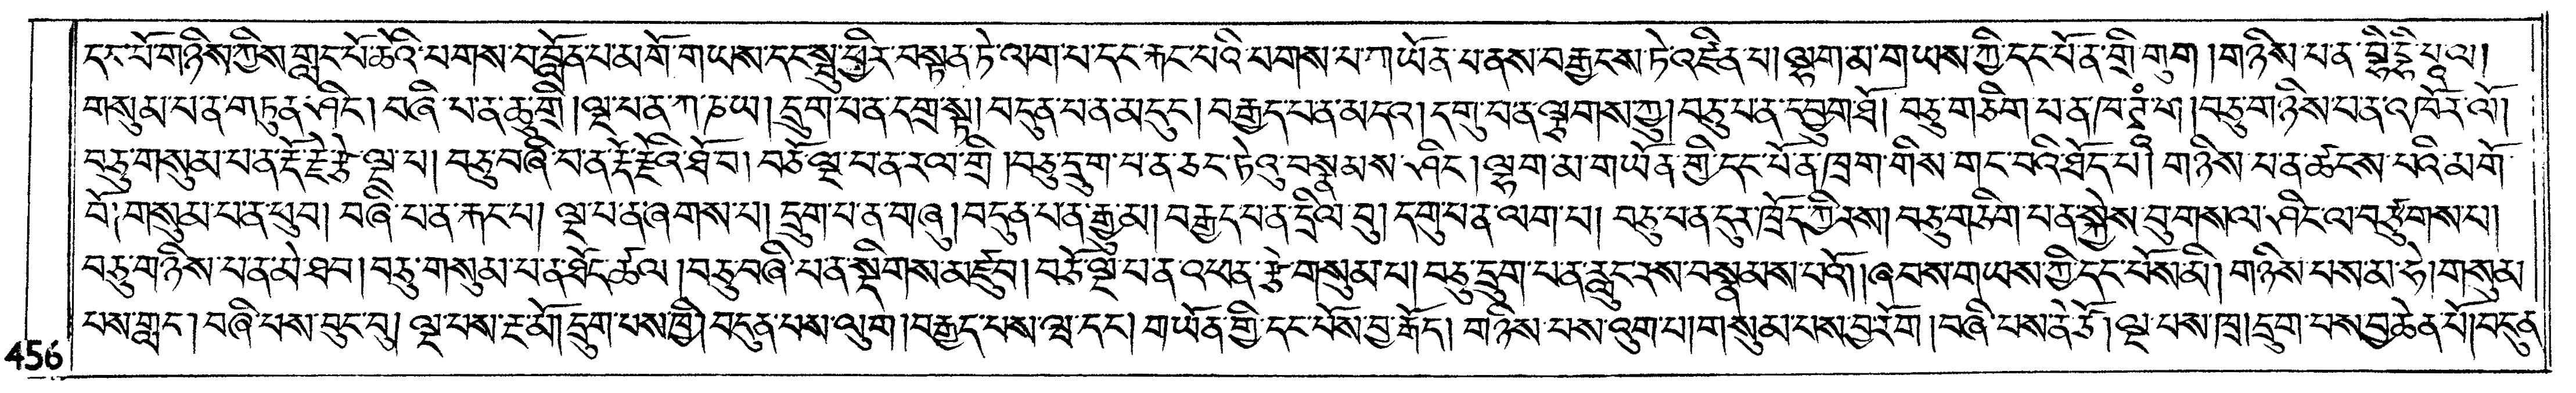དང་པོ་གཉིས་ཀྱིས་གླང་པོ་ཆེའི་པགས་པ་བློན་པ་མགོ་གཡས་དང་སྤུ་ཕྱིར་བསྟན་ཏེ་ལག་པ་དང་རྐང་པའི་པགས་པ་གཡོན་པ་ནས་བརྒྱངས་ཏེ་འཛིན་པ། ལྷག་མ་གཡས་ཀྱི་དང་པོ་ན་གྲི་གུག །གཉིས་པ་ན་བྷི་དྷི་པཱ་ལ།
གསུམ་པ་ན་གཏུན་ཤིང་། བཞི་པ་ན་ཆུ་གྲི་།ལྔ་པ་ན་ཀ་ཎ་ཡ། དྲུག་པ་ན་དགྲ་སྟ། བདུན་པ་ན་མདུང་། བརྒྱད་པ་ན་མདའ། དགུ་པ་ན་ལྕགས་ཀྱུ། བཅུ་པ་ན་དབྱུག་ཐོ། བཅུ་གཅིག་པ་ན་ཁ་ཊྭཱཾ་ག །བཅུ་གཉིས་པ་ན་འཁོར་ལོ།
བཅུ་གསུམ་པ་ན་རྡོ་རྗེ་རྩེ་ལྔ་པ། བཅུ་བཞི་པ་ན་རྡོ་རྗེའི་ཐོ་བ། བཅོ་ལྔ་པ་ན་རལ་གྲི་།བཅུ་དྲུག་པ་ན་ཅང་ཏེའུ་བསྣམས་ཤིང་། ལྷག་མ་གཡོན་གྱི་དང་པོ་ན་ཁྲག་གིས་གང་བའི་ཐོད་པ། གཉིས་པ་ན་ཚངས་པའི་མགོ་
བོ༑ གསུམ་པ་ན་ཕུབ། བཞི་པ་ན་རྐང་པ། ལྔ་པ་ན་ཞགས་པ། དྲུག་པ་ན་གཞུ། བདུན་པ་ན་རྒྱུ་མ། བརྒྱད་པ་ན་དྲིལ་བུ། དགུ་པ་ན་ལག་པ། བཅུ་པ་ན་དུར་ཁྲོད་ཀྱི་རས། བཅུ་གཅིག་པ་ན་སྐྱེས་བུ་གསལ་ཤིང་ལ་བཙུགས་པ།
བཅུ་གཉིས་པ་ན་མེ་ཐབ། བཅུ་གསུམ་པ་ན་ཐོད་ཚལ། བཅུ་བཞི་པ་ན་སྡིགས་མཛུབ། བཅོ་ལྔ་པ་ན་འཕན་རྩེ་གསུམ་པ། བཅུ་དྲུག་པ་ན་རླུང་རས་བསྣམས་པའོ། །ཞབས་གཡས་ཀྱི་དང་པོས་མི། གཉིས་པས་མ་ཧེ། གསུམ་
པས་གླང་། བཞི་པས་བུང་བུ། ལྔ་པས་རྔ་མོ། དྲུག་པས་ཁྱི། བདུན་པས་ལུག །བརྒྱད་པས་ཝ་དང་། གཡོན་གྱི་དང་པོས་བྱ་རྒོད། གཉིས་པས་འུག་པ། གསུམ་པས་བྱ་རོག །བཞི་པས་ནེ་ཙོ། ལྔ་པས་ཁྲ། དྲུག་པས་བྱ་ཆེན་པོ། བདུན་